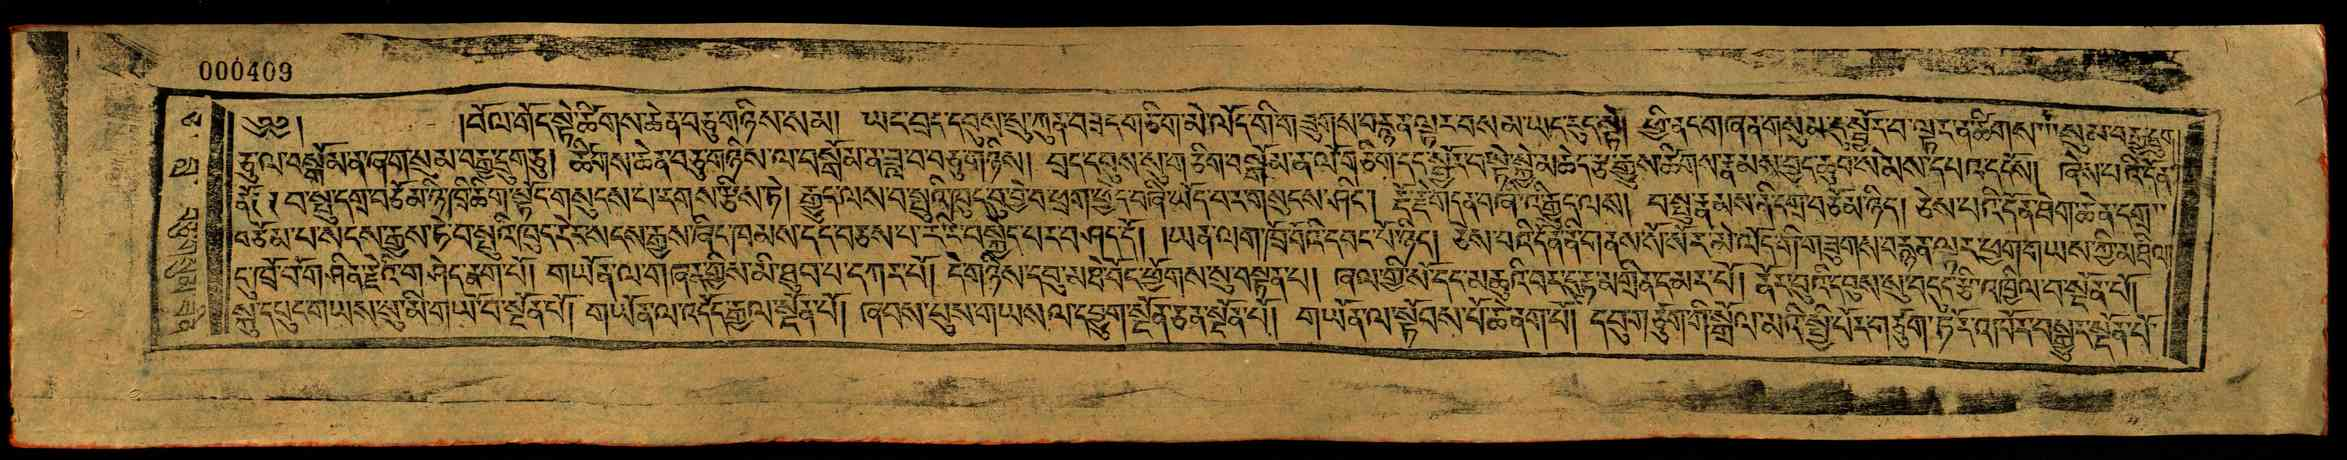༄༅། །སྟེ་ཚིགས་ཆེན་བཅུ་གཉིས་སམ། ཡང་བྲང་དབུས་སུ་ཀུན་བཟང་གཅིག་མེ་ལོང་གི་གཟུགས་བརྙན་ལྟར་བསམ་ཡང་རུང་སྟེ། ཕྱི་ནང་གཞན་གསུམ་དུ་སྦྱོར་བ་ལྟར་ན་ཚིགས་སུམ་བརྒྱ་དྲུག་
ཅུ་ལ་བསྒོམ་ན་ཞག་སུམ་བརྒྱ་དྲུག་ཅུ། ཚིགས་ཆེན་བཅུ་གཉིས་ལ་བསྒོམ་ན་ཟླ་བ་བཅུ་གཉིས། བྲང་དབུས་སུ་གཅིག་བསྒོམ་ན་ལོ་གཅིག་དང་སྦྱོར་བ་སྟེ་སྐྱེ་མཆེད་རྩ་རྒྱུས་ཚིགས་རྣམས་བྱང་ཆུབ་སེམས་དཔའ་དངོས། ཞེས་པའི་དོན་
ནོ༑ ༑བ་སྤུ་དགྲ་བཅོམ་ཉི་ཁྲི་ཆིག་སྟོང་གསུངས་པ་རགས་རྩིས་ཏེ། རྒྱུད་ལས་བ་སྤུའི་ཁུང་བུ་བྱེ་བ་ཕྲག་ཕྱེད་བཞི་ཡོད་པར་གསུངས་ཤིང་། རྡོ་རྗེ་གདན་བཞིའི་རྒྱུད་ལས། བ་སྤུ་རྣམས་ནི་དགྲ་བཅོམ་ཉིད། ཅེས་པའི་དོན་ཐེག་ཆེན་དགྲ་
བཅོམ་པ་སངས་རྒྱས་ཏེ་བ་སྤུའི་ཁུང་རེར་སངས་རྒྱས་ཞིང་ཁམས་དང་བཅས་པ་ར་རེ་བསྐྱེད་པར་བཤད་དོ། །ཡན་ལག་ཁྲོ་བོའི་དབང་པོ་ཉིད། ཅེས་པའི་དོན་ནི་གནས་སོ་སོར་མེ་ལོང་གི་གཟུགས་བརྙན་ལྟར་ཕྱག་གཡས་ཀྱི་མཐིལ་
དུ་ཁྲོ་བོ་གཤིན་རྗེའི་གཤེད་ནག་པོ། གཡོན་ལ་གཞན་གྱིས་མི་ཐུབ་པ་དཀར་པོ། དེ་གཉིས་དབུ་མཐེ་བོང་ཕྱོགས་སུ་བསྟན་པ། ཞལ་གྱིས་སོ་དང་མཆུའི་བར་དུ་རྟ་མགྲིན་དམར་པོ། ནོར་བུའི་དབུས་སུ་བདུད་རྩི་འཁྱིལ་བ་སྔོན་པོ།
སྐུ་དཔུང་གཡས་སུ་མི་གཡོ་བ་སྔོན་པོ། གཡོན་ལ་འདོད་རྒྱལ་སྔོན་པོ། ཞབས་པུས་གཡས་ལ་དབྱུག་སྔོན་ཅན་སྔོན་པོ། གཡོན་ལ་སྟོབས་པོ་ཆེ་ནག་པོ། དབུ་གཙུག་གི་སྒྲོལ་མའི་སྤྱི་བོར་གཙུག་ཏོར་འཁོར་བསྒྱུར་སྔོན་པོ། །